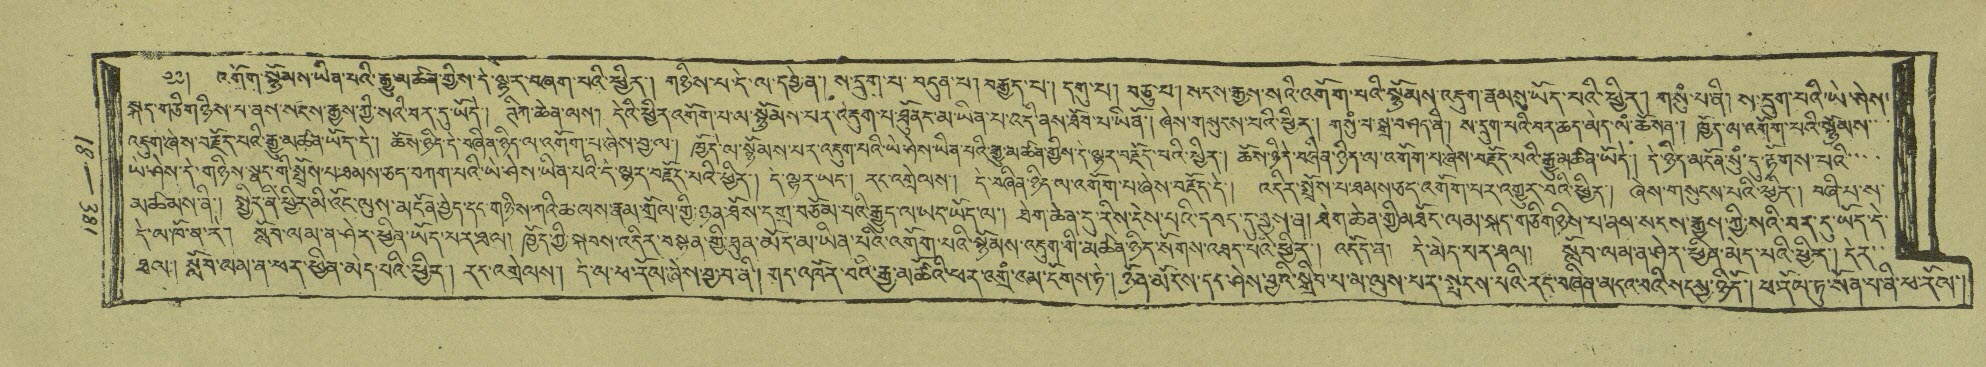༄༅། །འགོག་སྙོམས་ཡིན་པའི་རྒྱུ་མཚན་གྱིས་དེ་ལྟར་བཞག་པའི་ཕྱིར། གཉིས་པ་འདི་ལ་དབྱེ་ན། ས་དྲུག་པ། བདུན་པ། བརྒྱད་པ། དགུ་པ། བཅུ་པ། སངས་རྒྱས་སའི་འགོག་པའི་སྙོམས་འཇུག་རྣམས་སུ་ཡོད་པའི་ཕྱིར། གསུམ་པ་ནི། ས་དྲུག་པའི་ཡེ་ཤེས་སྐད་
ཅིག་གཉིས་པ་ནས་སངས་རྒྱས་ཀྱི་སའི་བར་དུ་ཡོད་དེ། ཊིཀ་ཆེན་ལས། དེའི་ཕྱིར་འགོག་པ་ལ་སྙོམས་པར་འཇུག་པ་ཐུན་མོང་མ་ཡིན་པ་འདི་ནས་ཐོབ་པ་ཡིན་ནོ། །ཞེས་གསུངས་པའི་ཕྱིར། གསུམ་པ་སྒྲ་བཤད་པ་ནི། ས་དྲུག་པའི་བར་ཆད་མེད་ལམ་ཆོས་ཅན་ཁྱོད་ལ་འགོག་པའི་སྙོམས་
འཇུག་ཞེས་བརྗོད་པའི་རྒྱུ་མཚན་ཡོད་དེ། ཆོས་ཉིད་དེ་བཞིན་ཉིད་ལ་འགོག་པ་ཞེས་བྱ་ལ། ཁྱོད་དེ་ལ་སྙོམས་པར་འཇུག་པའི་ཡེ་ཤེས་ཡིན་པའི་རྒྱུ་མཚན་གྱིས་དེ་ལྟར་བརྗོད་པའི་ཕྱིར། ཆོས་ཉིད་དེ་བཞིན་ཉིད་ལ་འགོག་པ་ཞེས་བརྗོད་པའི་རྒྱུ་མཚན་ཡོད་དེ། དེ་ཉིད་མངོན་སུམ་དུ་རྟོགས་པའི་
ཡེ་ཤེས་དེ་གཉིས་སྣང་གི་སྤྲོས་པ་ཐམས་ཅད་བཀག་པའི་ཡེ་ཤེས་ཡིན་པས་དེ་ལྟར་བརྗོད་པའི་ཕྱིར། དེ་ལྟར་ཡང་། རང་འགྲེལ་ལས། དེ་བཞིན་ཉིད་ལ་འགོག་པ་ཞེས་བརྗོད་དེ། འདིར་སྤྲོས་པ་ཐམས་ཅད་འགོག་པར་འགྱུར་བའི་ཕྱིར། ཞེས་
གསུངས་པའི་ཕྱིར། བཞི་པ་ས་མཚམས་ནི། སྤྱིར་ནི་ཕྱིར་མི་འོང་ལུས་མངོན་བྱེད་དང་གཉིས་ཀའི་ཆ་ལས་རྣམ་གྲོལ་གྱི་ཉན་ཐོས་དགྲ་བཅོམ་པའི་རྒྱུད་ལ་ཡང་ཡོད་ལ། ཐེག་ཆེན་དུ་རིགས་ངེས་པའི་དབང་དུ་བྱས་ན། ཐེག་ཆེན་གྱི་མཐོང་ལམ་སྐད་ཅིག་གཉིས་པ་ནས་སངས་རྒྱས་
ཀྱི་སའི་བར་དུ་ཡོད་དེ། །དེ་ལ་ཁོ་ན་རེ། སློབ་ལམ་ན་ཤེར་ཕྱིན་ཐོབ་པ་མོད་པར་ཐལ། ཁྱོད་ཀྱི་སྐབས་འདིར་བསྟན་གྱི་ཐུན་མོང་མ་ཡིན་པའི་འགོག་པའི་སྙོམས་འཇུག་གི་མཚན་ཉིད་སོགས་འཐད་པའི་ཕྱིར། འདོད་ན། དེ་མེད་པར་ཐལ། སློབ་ལམ་ན་ཤེར་ཕྱིན་མེད་པའི་ཕྱིར།
དེར་ཐལ། སློབ་ལམ་ན་ཕར་ཕྱིན་མེད་པའི་ཕྱིར་ཏེ། རང་འགྲེལ་ལས། དེ་ལ་ཕ་རོལ་ཞེས་བྱ་བ་ནི། གང་འཁོར་བའི་རྒྱ་མཚོའི་ཕར་འགྲམ་འམ་དོགས་ཏེ། ཉོན་མོངས་པ་དང་ཤེས་བྱའི་སྒྲིབ་པ་མ་ལུས་པ་སྤངས་པའི་རང་བཞིན་མངའ་བའི་སངས་རྒྱས་ཉིད་དོ། །ཕ་རོལ་ཏུ་སོན་པ་ནི་ཕ་རོལ་